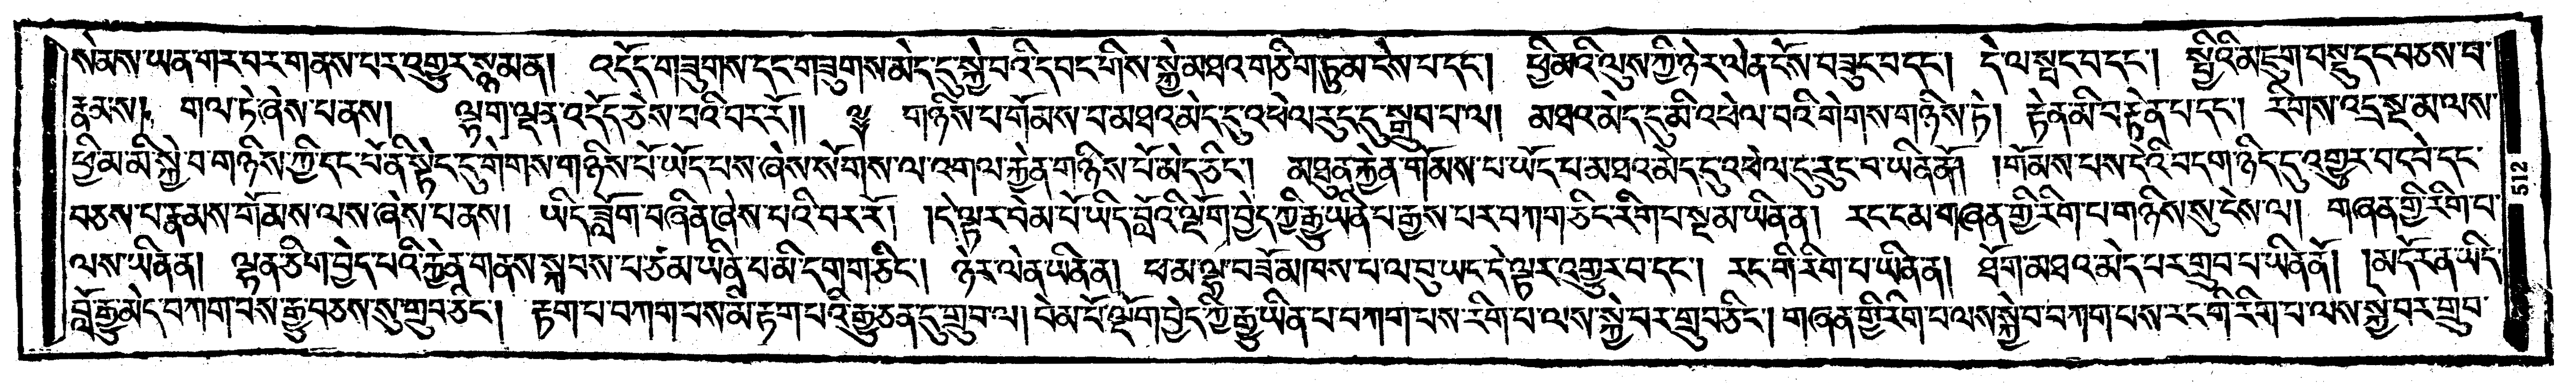སེམས་ཡན་གར་བར་གནས་པར་འགྱུར་སྙམ་ན། འདོད་གཟུགས་དང་གཟུགས་མེད་དུ་སྐྱེ་བའི་དབང་གིས་སྐྱེ་མཐའ་གཅིག་ཏུ་མ་ངེས་པ་དང་། ཕྱི་མའི་ལུས་ཀྱི་ཉེར་ལེན་ངོས་བཟུང་བ་དང་། དེ་ལ་སྤང་བ་དང་། སྤྱིའི་མཇུག་བསྡུ་དང་བཅས་པ་
རྣམས། གལ་ཏེ་ཞེས་པ་ནས། ལྷག་ལྡན་འདོད་ཅེས་པའི་བར་རོ།། ༈ གཉིས་པ་གོམས་པ་མཐའ་མེད་དུ་འཕེལ་རུང་དུ་སྒྲུབ་པ་ལ། མཐའ་མེད་དུ་མི་འཕེལ་བའི་གེགས་གཉིས་ཏེ། རྟེན་མི་བརྟེན་པ་དང་། རིགས་འདྲ་སྔ་མ་ལས་
ཕྱི་མ་མི་སྐྱེ་བ་གཉིས་ཀྱི་དང་པོ་ནི་སྟེང་དུ་གེགས་གཉིས་པོ་ཡོད་པས་ཞེས་སོགས་ལ་འགལ་རྐྱེན་གཉིས་པོ་མེད་ཅིང་། མཐུན་རྐྱེན་གོམས་པ་ཡོད་པ་མཐའ་མེད་དུ་འཕེལ་དུ་རུང་བ་ཡིན་ནོ། །གོམས་པས་དེའི་བདག་ཉིད་དུ་འགྱུར་བ་དཔེ་དང་
བཅས་པ་རྣམས་གོམས་ལས་ཞེས་པ་ནས། ཡིད་ཟློག་བཞིན་ཞེས་པའི་བར་རོ། །དེ་ལྟར་བེམ་པོ་ཡིད་བློའི་ལྡོག་བྱེད་ཀྱི་རྒྱུ་ཡིན་པ་རྒྱས་པར་བཀག་ཅིང་རིག་པ་སྔ་མ་ཡིན་ན། རང་ངམ་གཞན་གྱི་རིག་པ་གཉིས་སུ་ངེས་ལ། གཞན་གྱི་རིག་པ་
ལས་ཡིན་ན། ལྷན་ཅིག་བྱེད་པའི་རྐྱེན་གནས་སྐབས་པ་ཙམ་ཡིན་པ་མི་དགག་ཅིང་། ཉེར་ལེན་ཡིན་ན། ཕ་མ་ལྷ་བཟོ་མཁས་པ་ལ་བུ་ཡང་དེ་ལྟར་འགྱུར་བ་དང་། རང་གི་རིག་པ་ཡིན་ན། ཐོག་མཐའ་མེད་པར་གྲུབ་པ་ཡིན་ནོ། །མདོར་ན་ཡིད་
བློ་རྒྱུ་མེད་བཀག་པས་རྒྱུ་བཅས་སུ་གྲུབ་ཅིང་། རྟག་པ་བཀག་པས་མི་རྟག་པའི་རྒྱུ་ཅན་དུ་གྲུབ་ལ། བེམ་པོ་ལྡོག་བྱེད་ཀྱི་རྒྱུ་ཡིན་པ་བཀག་པས་རིག་པ་ལས་སྐྱེ་བར་གྲུབ་ཅིང་། གཞན་གྱི་རིག་པ་ལས་སྐྱེ་བ་བཀག་པས་རང་གི་རིག་པ་ལས་སྐྱེ་བར་གྲུབ་